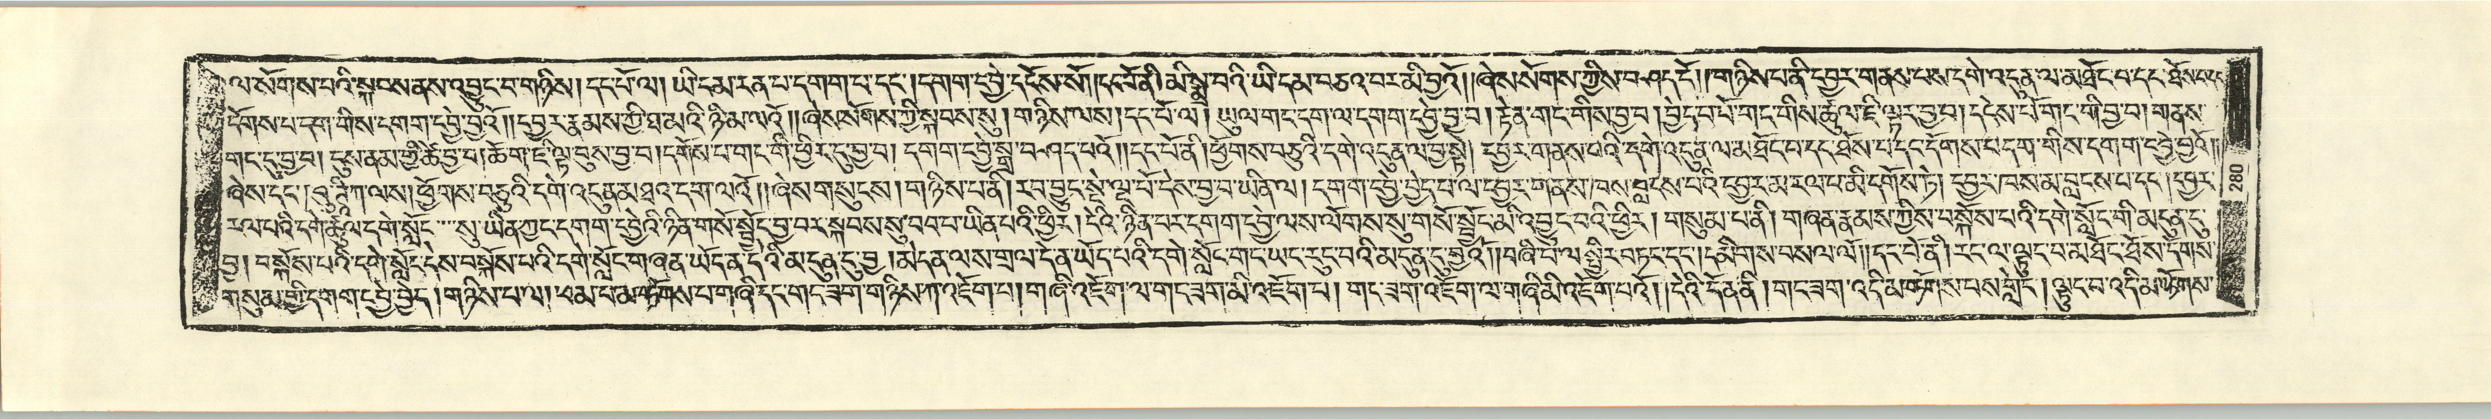ལ་སོགས་པའི་སྐབས་ནས་འབྱུང་བ་གཉིས། དང་པོ་ལ། ཡི་དམ་རན་པ་དགག་པ་དང་། དགག་དབྱེ་དངོས་སོ། །དང་པོ་ནི། མི་སྨྲ་བའི་ཡི་དམ་བཅའ་བར་མི་བྱའོ། །ཞེས་སོགས་ཀྱིས་བཤད་དོ། །གཉིས་པ་ནི་དབྱར་གནས་པས་དགེ་འདུན་ལ་མཐོང་བ་དང་ཐོས་བ་དང་
དོགས་པ་དག་གིས་དགག་དབྱེ་བྱའོ། །དབྱར་རྣམས་ཀྱི་ཐ་མའི་ཉི་མ་ལའོ། །ཞེས་སོགས་ཀྱི་སྐབས་སུ། གཉིས་ལས། དང་པོ་ལ། ཡུལ་གང་དག་ལ་དགག་དབྱེ་བྱ་བ། རྟེན་གང་གིས་བྱ་བ། བྱེད་པ་པོ་གང་གིས་ཚུལ་ཇི་ལྟར་བྱ་བ། དངོས་པོ་གང་གི་བྱ་བ། གནས་
གང་དུ་བྱ་བ། དུས་ནམ་གྱི་ཚེ་བྱ་བ། ཆོ་ག་ཇི་ལྟ་བུས་བྱ་བ། དགོས་པ་གང་གི་ཕྱིར་དུ་བྱ་བ་དགག་དབྱེ་སྒྲ་བཤད་པའོ། །དང་པོ་ནི། ཕྱོགས་བཅུའི་དགེ་འདུན་ལ་བྱ་སྟེ། དབྱར་གནས་པའི་དགེ་འདུན་ལ་མཐོང་བ་དང་ཐོས་པ་དང་དོགས་བདག་གིས་དགག་དབྱེ་བྱའོ། །
ཞེས་དང་། བུ་ཊཱིཀ་ལས། ཕྱོགས་བཅུའི་དགེ་འདུན་མཐའ་དག་ལའོ། །ཞེས་གསུངས་གཉིས་པ་ནི། རབ་བྱུང་སྡེ་ལྔ་པོ་དེས་བྱ་བ་ཡིན་ལ། དགག་དབྱེ་བྱེད་པ་ལ་དབྱར་གནས་ཁས་བླངས་པའི་དབྱར་མ་རལ་པ་མི་དགོས་ཏེ། དབྱར་ཁས་མ་བླངས་པ་དང་། དབྱར་
རལ་པའི་དགེ་ཚུལ་དགེ་སློང་སུ་ཡིན་ཀྱང་དགག་དབྱེའི་ཉིན་གསོ་སྦྱོང་བྱ་བར་སྐབས་སུ་བབ་པ་ཡིན་པའི་ཕྱིར། དེའི་ཉིན་པར་དགག་དབྱེ་ལས་ལོགས་སུ་གསོ་སྦྱོང་མི་འབྱུང་བའི་ཕྱིར། གསུམ་པ་ནི། གཞན་རྣམས་ཀྱིས་བསྐོས་པའི་དགེ་སློང་གི་མདུན་དུ་
བྱ། བསྐོས་པའི་དགེ་སློང་དེས་བསྐོས་པའི་དགེ་སློང་གཞན་ཡོད་ན་དེའི་མདུན་དུ་བྱ། མེད་ན་ལས་གྲལ་དེ་ན་ཡོད་པའི་དགེ་སློང་གང་ཡང་རུང་བའི་མདུན་དུ་བྱའོ། །བཞི་པ་ལ་སྤྱིར་བཏང་དང་། དམིགས་བསལ་ལོ། །དང་པོ་ནི། རང་ལ་ལྟུང་བ་མཐོང་ཐོས་དོགས་
གསུམ་གྱི་དགག་དབྱེ་བྱེད། གཉིས་པ་ལ། ཕམ་པ་མ་གཏོགས་པ་གཞི་དང་གང་ཟག་གཉིས་ཀ་འཇོག་པ། གཞི་འཇོག་ལ་གང་ཟག་མི་འཇོག་པ། གང་ཟག་འཇོག་ལ་གཞི་མི་འཇོག་པའོ། །དེའི་དོན་ནི། གང་ཟག་འདི་མ་བཏོགས་པས་གླེང་། ལྟུང་བ་འདི་མ་གཏོགས་